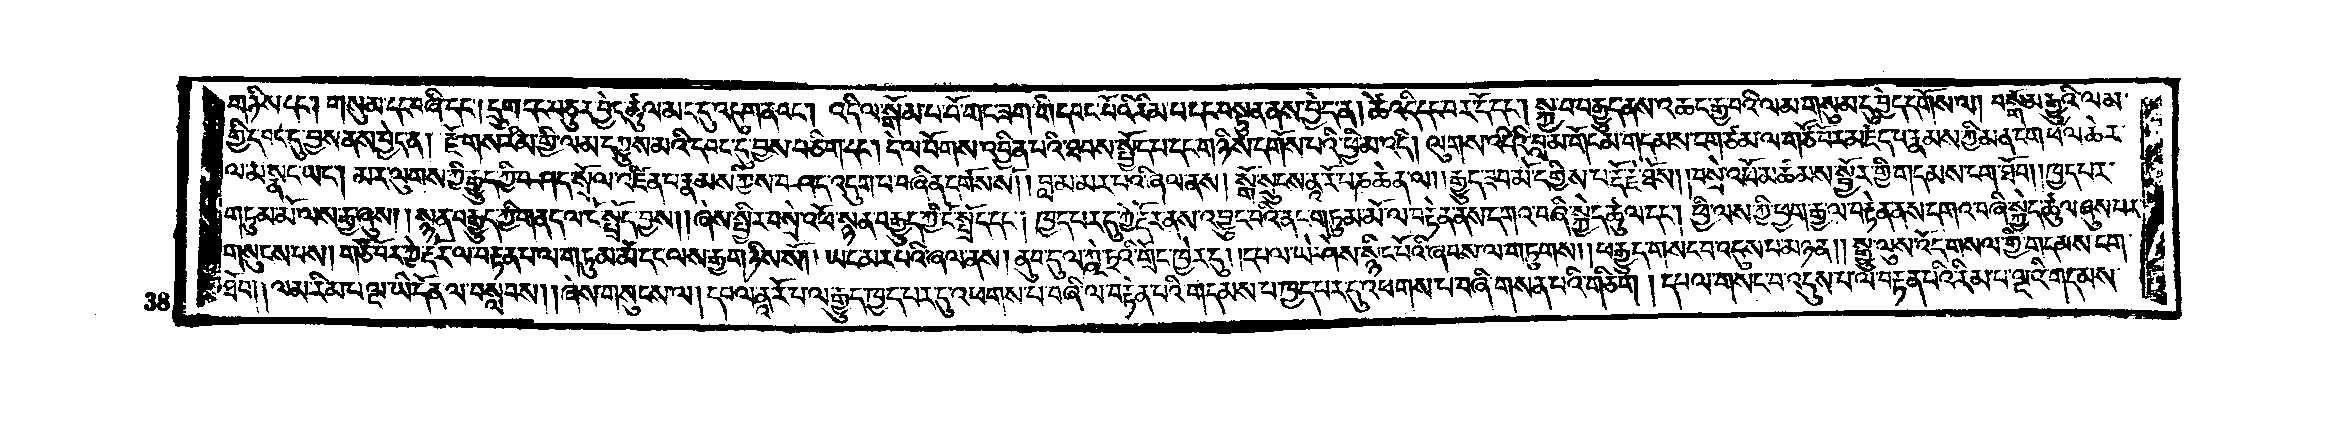གཉིས་དང་། གསུམ་དང་བཞི་དང་། དྲུག་དང་བཅུར་བྱེད་ཚུལ་མང་དུ་འདུག་ནའང་། འདི་ལ་སྒོམ་པ་པོ་གང་ཟག་གི་དབང་པོའི་རིམ་པ་དང་བསྟུན་ནས་བྱེད་ན། ཚེ་འདི་དང་བར་དོ་དང་། སྐྱེ་བ་བརྒྱུད་ནས་འཚང་རྒྱ་བའི་ལམ་གསུམ་དུ་བྱེད་དགོས་ལ། བསྒོམ་རྒྱུའི་ལམ་
གྱི་དབང་དུ་བྱས་ནས་བྱེད་ན། རྫོགས་རིམ་གྱི་ལམ་དཀྱུས་མའི་དབང་དུ་བྱས་པ་ཅིག་དང་། ད་ལ་བོགས་འབྱིན་པའི་ཐབས་སྤྱོད་པ་དང་གཉིས་དགོས་པའི་ཕྱི་མ་འདི། ལུགས་འདིའི་བླ་མ་གོང་མ་གདམས་ངག་ཙམ་ལ་གཙོ་བོར་མཛད་པ་རྣམས་ཀྱི་མན་ངག་ཕལ་ཆེར་
ལ་མི་སྣང་ཡང་། མར་ལུགས་ཀྱི་རྒྱུད་ཀྱི་བཤད་སྲོལ་འཛིན་པ་རྣམས་ཀྱིས་བཤད་འདུག་པ་བཞིན་དགོས་སོ། །བླ་མ་མར་པའི་ཞེལ་ནས། སྒོ་སྲུངས་ནཱ་རོ་པཎ་ཆེན་ལ། །རྒྱུད་ཟབ་མོ་དགྱེས་པ་རྡོ་རྗེ་ཐོས། །བསྲེ་འཕོ་མཚམས་སྦྱོར་གྱི་གདམས་ངག་ཐོབ། །ཁྱད་པར་
གཏུམ་མོ་ལས་རྒྱ་ཞུས། །སྙན་བརྒྱུད་ཀྱི་གནད་ལ་ངོ་སྤྲོད་བྱས། །ཞེས་སྤྱིར་བསྲེ་འཕོ་སྙན་བརྒྱུད་ཀྱི་ངོ་སྤྲོད་དང་། ཁྱད་པར་དུ་ཀྱེ་རྡོར་ནས་འབྱུང་བའི་ནང་གཏུམ་མོ་ལ་བརྟེན་ནས་དགའ་བཞི་སྐྱེད་ཚུལ་དང་། ཕྱི་ལས་ཀྱི་ཕྱག་རྒྱ་ལ་བརྟེན་ནས་དགའ་བཞི་སྐྱེད་ཚུལ་ཞུས་པར་
གསུངས་པས། གཙོ་བོར་ཀྱེ་རྡོར་ལ་བརྟན་པ་ལ་གཏུམ་མོ་དང་ལས་རྒྱ་གཉིས་སོ། །ཡང་མར་པའི་ཞལ་ནས། ནུབ་དུ་ལ་ཀྵེ་ཏྲའི་གྲོང་ཁྱེར་དུ། །དཔལ་ཡེ་ཤེས་སྙིང་པོའི་ཞབས་ལ་གཏུགས། །པ་རྒྱུད་གསང་བ་འདུས་པ་མཉན། །སྒྱུ་ལུས་འོད་གསལ་གྱི་གདམས་ངག་
ཐོབ། །ལམ་རིམ་པ་ལྔ་ཡི་དོན་ལ་བསླབས། །ཞེས་གསུངས་ལ། དཔལ་ནཱ་རོ་པ་ལ་རྒྱུད་ཁྱད་པར་དུ་འཕགས་པ་བཞི་ལ་བརྟེན་པའི་གདམས་པ་ཁྱད་པར་དུ་འཕགས་པ་བཞི་གསན་པའི་གཅིག །དཔལ་གསང་བ་འདུས་པ་ལ་བརྟན་པའི་རིམ་པ་ལྔའི་གདམས་